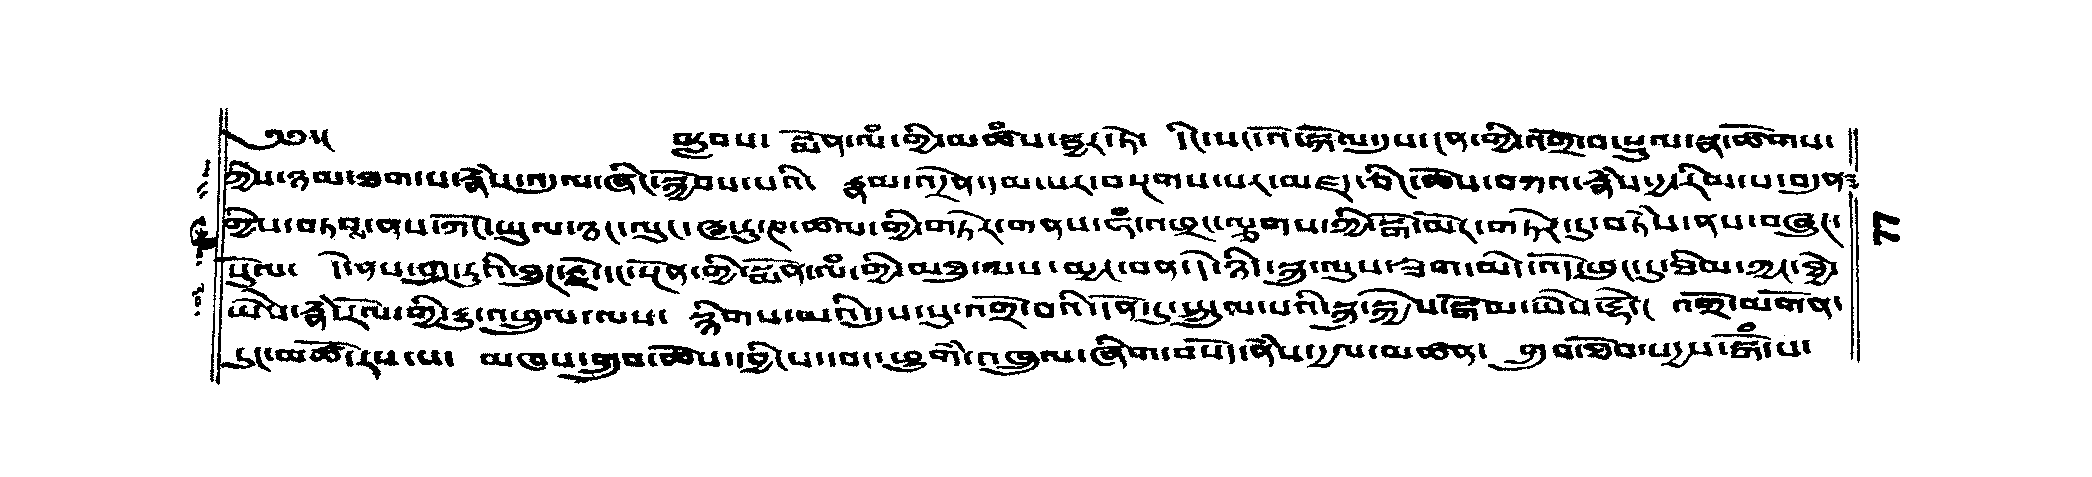བརླབས། སྨོན་ལམ་གྱིས་མཚམས་སྦྱར་ཏེ། དིང་སང་འོ་སྐོལ་དུས་ངན་གྱི་འགྲོ་བ་སྡུག་བསྔལ་སྣ་ཚོགས་
ཀྱིས་ཉམ་ཐག་པ་འདུལ་ཞིང་སྐྱོབས་པའི་རྣམ་འདྲེན་དམ་པར་བསྔགས་པར་མཛད་ཅིང་ཆོས་བཀའ་རྣམས་རྒྱ་རིམ་པ་བདུན་
གྱིས་བཏབ་ནས་ཀོང་ཡུལ་ཉང་ལུང་ཝ་ར་ཎ་ཚལ་གྱི་གཏེར་གནས་ཧཾ་འཕྲང་ལྕགས་ཀྱི་སྒོ་མོར་གཏེར་དུ་གཏམས་ནས་བཞུགས་
སུ་གསོལ། དེ་ནས་་གུ་རུའི་ཐུགས་རྗེ་དང་སྔོན་གྱི་སྨོན་ལམ་གྱི་མཐུ་ལས་མྱང་བན་དེ་ཉིད་སྐུ་ལུས་ཟད་མེད་དུ་ཐིམ་ཀྱང་ཐུགས་རྗེ་
ཡེ་ཤེསརྣམ་རོལ་གྱི་སྒྱུ་འཕྲུལ་ལས།སྙིགས་མའི་དུས་སུ་འགྲོ་བའི་དོན་དུ་སྤྲུལ་པའི་སྐྱེས་སྒོམ་པའི་ཡེ་ཤེས་རྡོ་རྗེ། འགྲོ་མགོན་
དུང་མཚོ་རས་པ། མཁས་གྲུབ་ཆོས་དབྱིངས་དབང་ཕྱུག་གམ་འཁྲུལ་ཞིག་བསོད་ནམས་རྒྱལ་མཚན། གྲུབ་ཐོབ་སངས་རྒྱས་སྒོམ་པ་